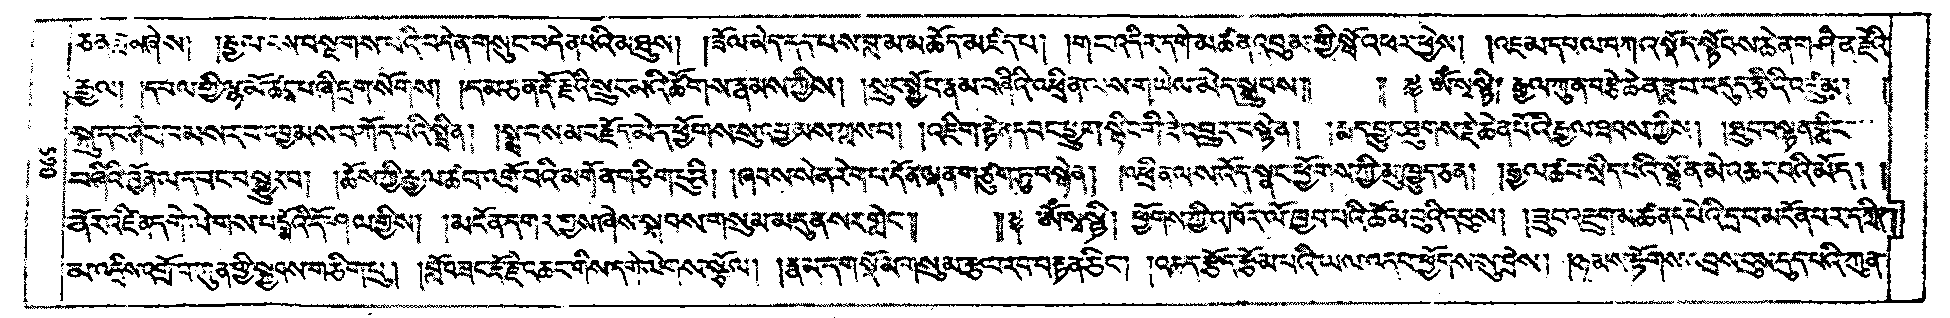ཅན་བླ་མ་ཞེས། །རྒྱལ་བས་བསྔགས་པའི་བདེན་གསུང་བདེན་པའི་མཐུས། །ཟོལ་མེད་དད་པས་བླ་མ་མཆོད་མཛད་པ། །གང་འདིར་དགེ་མཚན་འབུམ་གྱི་སྒོ་འཕར་ཕྱེས། །འཇམ་དཔལ་བཀའ་སྡོད་སྟོབས་ཆེན་གཤིན་རྗེའི་
རྒྱལ། །དཔལ་གྱི་ལྷ་མོ་ཚངས་པ་ཞི་དྲག་སོགས། །དམ་ཅན་རྡོ་རྗེའི་སྲུང་མའི་ཚོགས་རྣམས་ཀྱིས། །སྲུང་སྐྱོབ་རྣམ་བཞིའི་འཕྲིན་ལས་གཡེལ་མེད་སྒྲུབས།། །། ༈ ཨོཾ་སྭསྟི། རྒྱལ་ཀུན་བརྩེ་ཆེན་ཟླ་བ་བདུད་རྩིའི་འཛུམ། །
སྐུ་དང་ཞིང་ཁམས་རབ་འབྱམས་བཀོད་པའི་སྤྲིན། །སྨྲ་བསམ་བརྗོད་མེད་ཕྱོགས་སུ་འབྱམས་ཀླས་པ། །འཇིག་རྟེན་དབང་ཕྱུག་སྙིང་གི་ཟེ་འབྲུར་བསྟེན། །རྨད་བྱུང་ཐུགས་རྗེ་ཆེན་པོའི་རྒྱལ་ཐབས་ཀྱིས། །ཐུབ་བསྟན་གླིང་
བཞིའི་ཁྱོན་ལ་དབང་བསྒྱུར་བ། །ཆོས་ཀྱི་རྒྱལ་ཚབ་འགྲོ་བའི་མགོན་གཅིག་པུའི། །ཞབས་སེན་རེག་པ་དོན་ལྡན་གཙུག་ཏུ་བསྙེན། །འཕྲིན་ལས་འོད་སྣང་ཕྱོགས་ཀྱི་མུ་ཁྱུད་ཅན། །རྒྱལ་ཚབ་སྲིད་པའི་སྒྲོན་མེ་འཆར་བའི་མོད། །
ནོར་འཛིན་དགེ་ལེགས་པདམོའི་དོ་ཤལ་གྱིས། །མངོན་དགར་བྱས་ཞེས་སྐབས་གསུམ་མདུན་སར་གླེང།། །། ༈ ཨོཾ་སྭསྟི། ཕྱོགས་ཀྱི་འཁོར་ལོ་ཁྱབ་པའི་ཚོམ་བུའི་དབུས། །ཟུང་འཇུག་མཚན་དཔེའི་དྲ་བ་མངོན་པར་དཀྲིགས། །
མ་འདྲིས་འགྲོ་བ་ཀུན་གྱི་སྐྱབས་གཅིག་པུ། །བློ་བཟང་རྡོ་རྗེ་འཆང་གིས་དགེ་ལེགས་སྩོལ། །རྣམ་དག་སྡོམ་གསུམ་རྩ་བ་རབ་བརྟན་ཅིང་། །འཆད་རྩོད་རྩོམ་པའི་ཡལ་འདབ་ཕྱོགས་སུ་བྲེས། །ཉམས་རྟོགས་འབྲས་བུས་དུད་པའི་ཀུན་